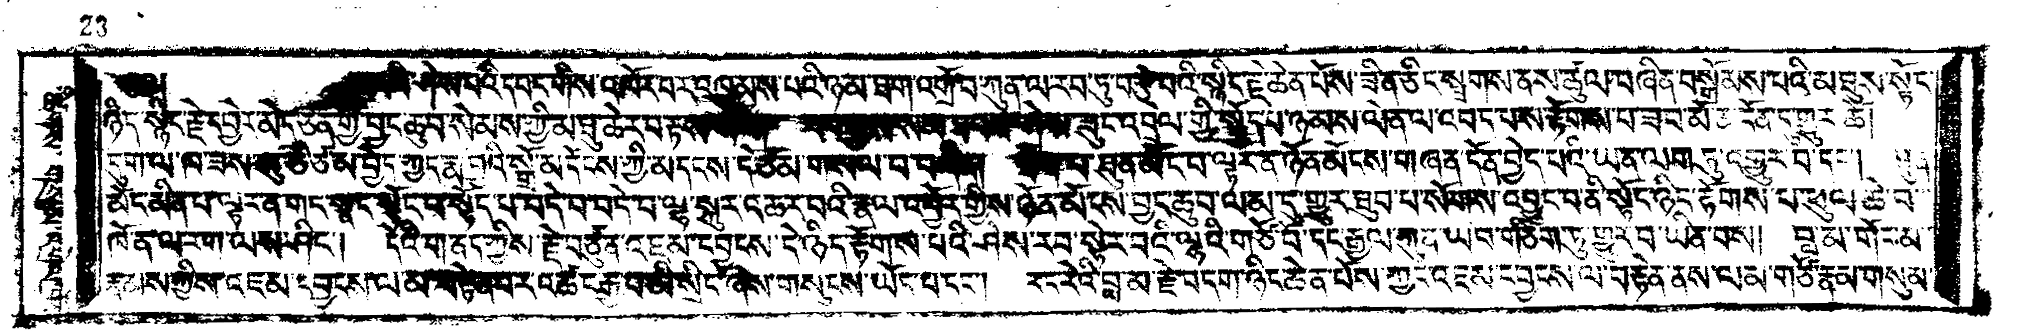༄༅། །པར་མི་ཤེས་པའི་དབང་གིས་འཁོར་བར་འཁྱམས་པའི་ཉམ་ཐག་འགྲོ་བ་ཀུན་ལ་རབ་ཏུ་བརྩེ་བའི་སྙིང་རྗེ་ཆེན་པོས་ཟིན་ཅིང་སྤྲགས་ནས་ཚུལ་བཞིན་བསྒོམས་པའི་མཐུས་སྟོང་
ཉིད་སྙིང་རྗེ་དབྱེར་མེད་ཅན་གྱི་བྱང་ཆུབ་སེམས་ཀྱི་མཐུ་ཆེར་བརྟས་ཤིང་། ཟབ་རྒྱས་སམ་ཐབས་ཤེས་ཟུང་འབྲེལ་གྱི་སྤྱོད་པ་ཉམས་ལེན་ལ་འབད་པས་རྟོགས་པ་ཟབ་མོ་མངོན་དུ་གྱུར་ཚེ།
དུག་ལ་ཁ་ཟས་སུ་ཅི་ཙམ་བྱེད་ཀྱང་རྨ་བྱའི་སྒྲོ་མདོངས་ཀྱི་མདངས་དེ་ཙམ་གསལ་བ་བཞིན། ཐེག་པ་ཐུན་མོང་བ་ལྟར་ན་ཉོན་མོངས་གཞན་དོན་བྱེད་པའི་ཡན་ལག་ཏུ་འགྱུར་བ་དང་། ཐུན་
མོང་མིན་པ་ལྟར་ན་གང་སྣང་སྟོང་པ་སྟོང་པ་བདེ་བ་བདེ་བ་ལྷ་སྐུར་འཆར་བའི་རྣལ་འབྱོར་གྱིས་ཉོན་མོངས་བྱང་ཆུབ་ལམ་དུ་གྱུར་ཐུབ་པ་སོགས་འབྱུང་བ་ནི་སྟོང་ཉིད་རྟོགས་པ་ཕུལ་ཆེ་བ་
ཁོ་ན་ལ་རག་ལས་ཤིང་། དེའི་གནད་ཀྱིས་རྗེ་བཙུན་འཇམ་དབྱངས་དེ་ཉིད་རྟོགས་པའི་ཤེས་རབ་སྟེར་བའི་ལྷའི་གཙོ་བོ་དང་རྒྱལ་ཀུན་ཡབ་གཅིག་ཏུ་གྱུར་བ་ཡིན་པས། བླ་མ་གོང་མ་
རྣམས་ཀྱིས་འཇམ་དབྱངས་ལ་མ་བརྟེན་པར་འཚང་རྒྱ་བ་མི་སྲིད་ཞེས་གསུངས་ཡོད་པ་དང་། རང་རེའི་བླ་མ་རྗེ་བདག་ཉིད་ཆེན་པོས་ཀྱང་འཇམ་དབྱངས་ལ་བརྟེན་ནས་ལམ་གཙོ་རྣམ་གསུམ་